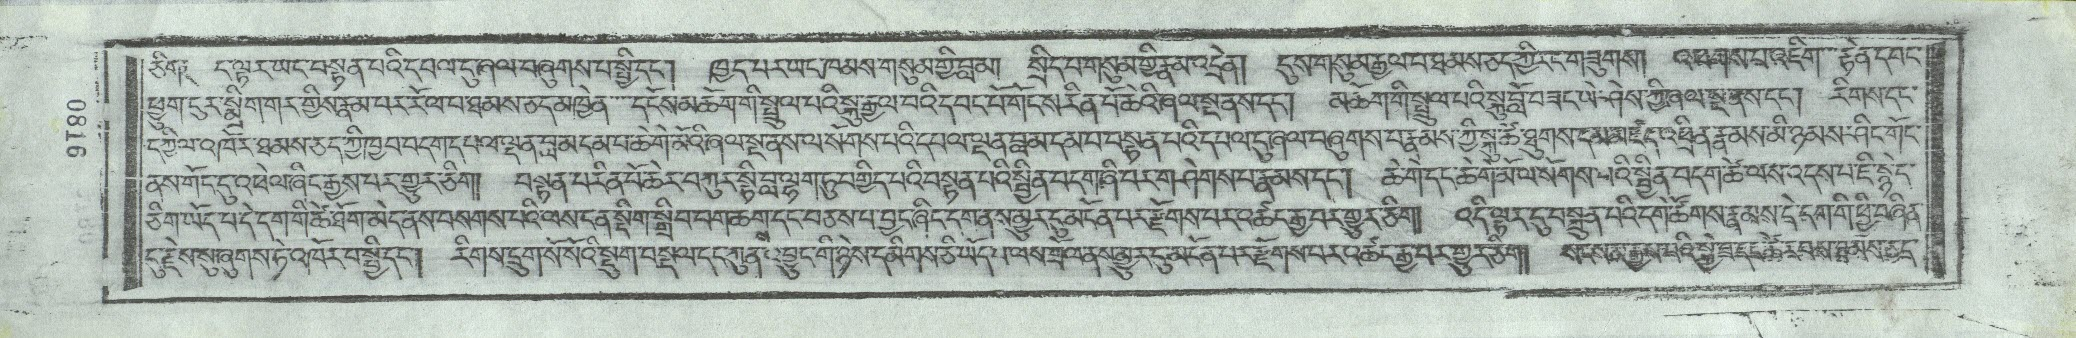ཅིག །ད་ལྟར་ཡང་བསྟན་པའི་དཔལ་དུ་ཞལ་བཞུགས་པ་སྤྱི་དང་། ཁྱད་པར་ཡང་ཁམས་གསུམ་གྱི་བླ་མ། སྲིད་པ་གསུམ་གྱི་རྣམ་འདྲེན། དུས་གསུམ་རྒྱལ་བ་ཐམས་ཅད་ཀྱི་རང་གཞུགས། འཕགས་པ་འཇིག་རྟེན་དབང་
ཕྱུག་ངུར་སྨིག་གར་གྱིས་རྣམ་པར་རོལ་པ་ཐམས་ཅད་མཁྱེན་དངོས་མཆོག་གི་སྤྲུལ་པའི་སྐུ་རྒྱལ་པའི་དབང་བོ་གོང་ས་རིན་པོ་ཆེའི་ཞལ་སྔ་ནས་དང་། མཆོག་གི་སྤྲུལ་བའི་སྐུ་བླ་བཟང་ཡེ་ཤེས་ཞལ་སྔ་ནས་དང་། རིགས་དང་
དཀྱིལ་འཁོར་ཐམས་ཅད་ཀྱི་ཁྱབ་བདག་དཔལ་ལྡན་བྨ་དམ་པ་ཆེ་གེ་མོའི་ཞལ་སྔ་ནས་ལ་སོགས་པའི་དཔལ་ལྡན་བླ་མ་དམ་བསྟན་པའི་དཔལ་དུ་ཞལ་བཞུགས་པ་རྣམས་ཀྱི་སྐུ་ཚེ་ཐུགས་དམ་མཛད་འཕྲིན་རྣམས་མི་ཉམས་ཤིང་བོད་
ནས་གོང་དུ་འཕེལ་ཞིང་རྒྱས་པར་གྱུར་ཅིག །བསྟན་པ་རིན་པོ་ཆེར་བཀུར་སྟི་བླ་ལྷག་ཏུ་བགྱིད་པའི་བསྟན་པའི་སྦྱིན་བདག་ཞི་བར་གཤེགས་པ་རྣམས་དང་། ཆེ་གེ་དང་ཆེ་མོ་ལ་སོགས་པའི་སྦྱིན་བདག་ཚེ་ལས་འདས་པ་ཇི་སྙེད?
ཅིག་ཡོད་པ་དེ་དག་གི་ཚེ་ཐོག་མེད་ནས་བསགས་པའི་ལས་ངན་སྡིག་སྒྲིབ་བག་ཆགས་དང་བཅས་པ་བྱང་ཞིང་དག་ནས་མྱུར་དུ་མངོན་པར་རྫོགས་པར་འཚང་རྒྱ་བར་གྱུར་ཅིག །འདི་ལྟར་དུ་བསྐྲུན་པའི་དགེ་ཚོགས་རྣམས་དེ་དག་གི་ཕྱི་བཞིན་
དུ་རྗེས་སུ་ཞུགས་ཏེ་འཁྲོ་བ་སྤྱི་དང་། རིགས་དྲུག་སོ་སོའི་སྡུག་བསྔལ་དང་ཀུན་འབྱུང་གི་ཉེས་དམིགས་ཅི་ཡོད་པ་ལས་གྲོལ་ནས་མྱུར་དུ་མངོན་པར་རྫོགས་བར་འཚང་རྒྱ་བར་གྱུར་ཅིག །སངས་རྒྱས་པའི་སྐྱེ་བ་དང་ཚེ་རབས་ཐམས་ཅད་